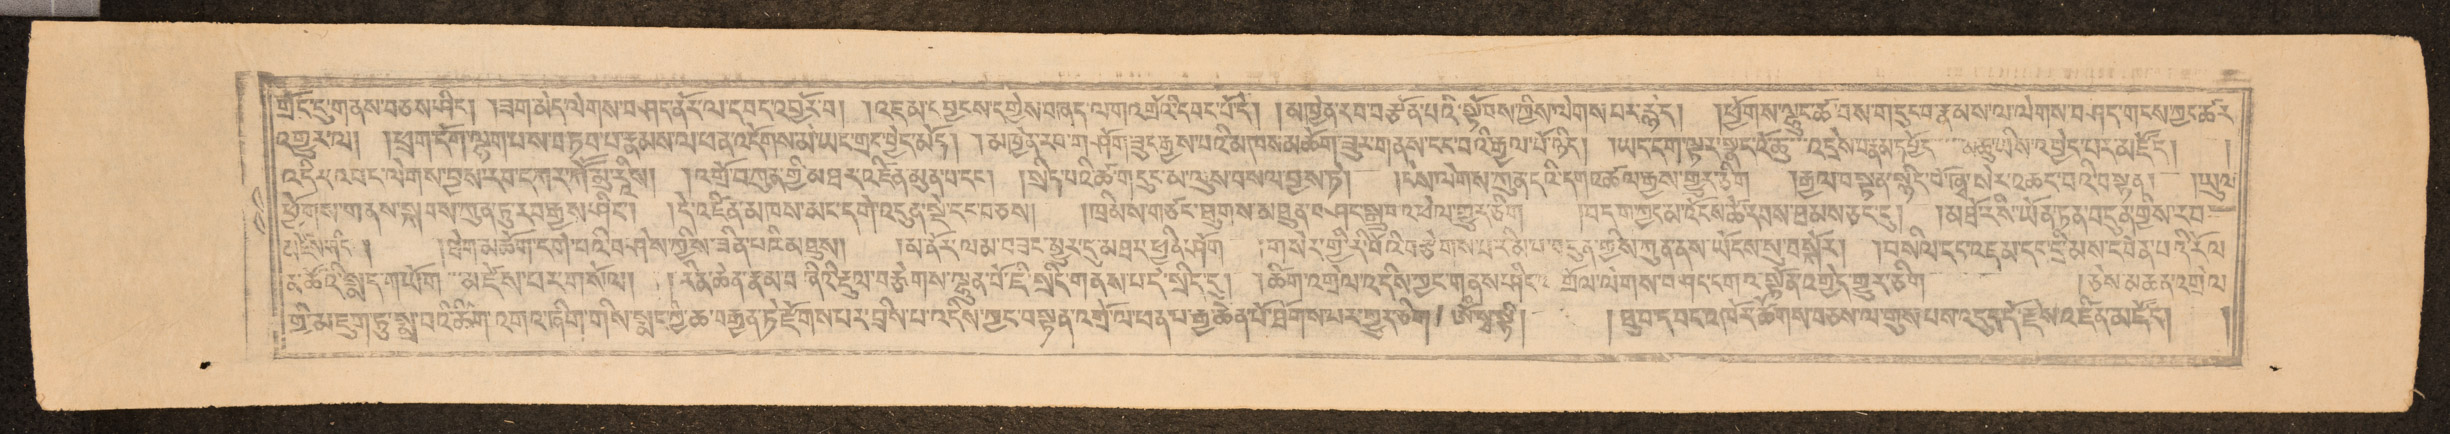གྲོང་དུ་གནས་བཅས་ཤིང་། །ཟག་མེད་ལེགས་བཤད་ནོར་ལ་དབང་འབྱོར་བ། །འཇམ་དབྱངས་དགྱེས་བཞད་ལག་འགྲོའི་དབང་པོ་དེ། །མཁྱེན་རབ་བརྩོན་པའི་སྟོབས་ཀྱིས་ལེགས་པར་རྙེད། །ཕྱོགས་ལྷུང་ཚ་བས་གདུང་བ་རྣམས་ལ་ལེགས་བཤད་གངས་ཀྱང་ཚར་
འགྱུར་ལ། །ཕྲག་དོག་ལྷག་པས་བཏབ་པ་རྣམས་ལ་ཕན་འདོགས་མེ་ཡང་གྲང་བྱེད་མོད། །མཁྱེན་རབ་གཤོག་ཟུང་རྒྱས་པའི་མཁས་མཆོག་ཟུར་གནས་ངང་བའི་རྒྱལ་པོ་ཉིད། །ཡང་དག་ལྟར་སྣང་འོ་ཆུ་འདྲེས་པ་རྣམ་དཔྱོད་མཆུ་ཡིས་འབྱེད་པར་མཛོད། །
འདིར་འབད་ལེགས་བྱས་རབ་དཀར་ཀཽ་མུ་རཱིས། །འགྲོ་བ་ཀུན་གྱི་མཐར་འཛིན་མུན་པ་དང་། །སྲིད་པའི་ཚ་གདུང་མ་ལུས་བསལ་བྱས་ཏེ། །ངེས་ལེགས་ཀུན་དའི་དགའ་ཚལ་རྒྱས་གྱུར་ཅིག །རྒྱལ་བསྟན་སྙིང་པོ་ཞྭ་སེར་འཆང་བའི་བསྟན། །ཡུལ་
ཕྱོགས་གནས་སྐབས་ཀུན་ཏུ་རབ་རྒྱས་ཤིང་། །དེ་འཛིན་མཁས་མང་དགེ་འདུན་སྡེ་དང་བཅས། །ཁྲིམས་གཙང་ཐུགས་མཐུན་བཤད་སྒྲུབ་འཕེལ་གྱུར་ཅིག །བདག་ཀྱང་མ་འོངས་ཚེ་རབས་ཐམས་ཅད་དུ། །མཐོ་རིས་ཡོན་ཏན་བདུན་གྱིས་རབ་
མཛེས་ཤིང་། །ཐེག་མཆོག་དགེ་པའི་བཤེས་ཀྱིས་ཟིན་པའི་མཐུས། །མ་ནོར་ལམ་བཟང་མྱུར་དུ་མཐར་ཕྱིན་ཤོག །གསེར་གྱི་རི་བོའི་བརྩེགས་པ་རིམ་པ་བདུན་གྱིས་ཀུན་ནས་ཡོངས་སུ་བསྐོར། །བསིལ་དང་འཇམ་དང་དྲི་མས་དཔོན་པའི་རོལ་
མཚོའི་སྨད་གཡོག་མཛེས་པར་གསོལ། །རིན་ཆེན་རྣམ་བཞིའི་རྡུལ་བརྩེགས་ལྷུན་པོ་ཇི་སྲིད་གནས་པ་དེ་སྲིད་དུ། །ཚིག་འགྲེལ་འདིས་ཀྱང་གནས་ཤིང་འགྲོལ་ལེགས་བཤད་དགའ་སྟོན་འགྱེད་གྱུར་ཅིག །ཅེས་མཆན་འགྲེལ་
གྱི་མཇུག་ཏུ་སྨྲ་བའི་ཚིག་འགའ་ཞིག་གིས་སྨད་ཀྱི་ཆ་བརྒྱད་ཏེ་རྫོགས་པར་བྲིས་པ་འདིས་ཀྱང་བསྟན་འགྲོ་ལ་ཕན་པ་རྒྱ་ཆེན་པོ་ཐོགས་པར་གྱུར་ཅིག་ཨོཾ་སྭ་སྟི། །ཐུབ་དབང་འཁོར་ཚོགས་བཅས་ལ་གུས་པས་འདུད་དོ་རྗེས་འཛིན་མཛོད། །